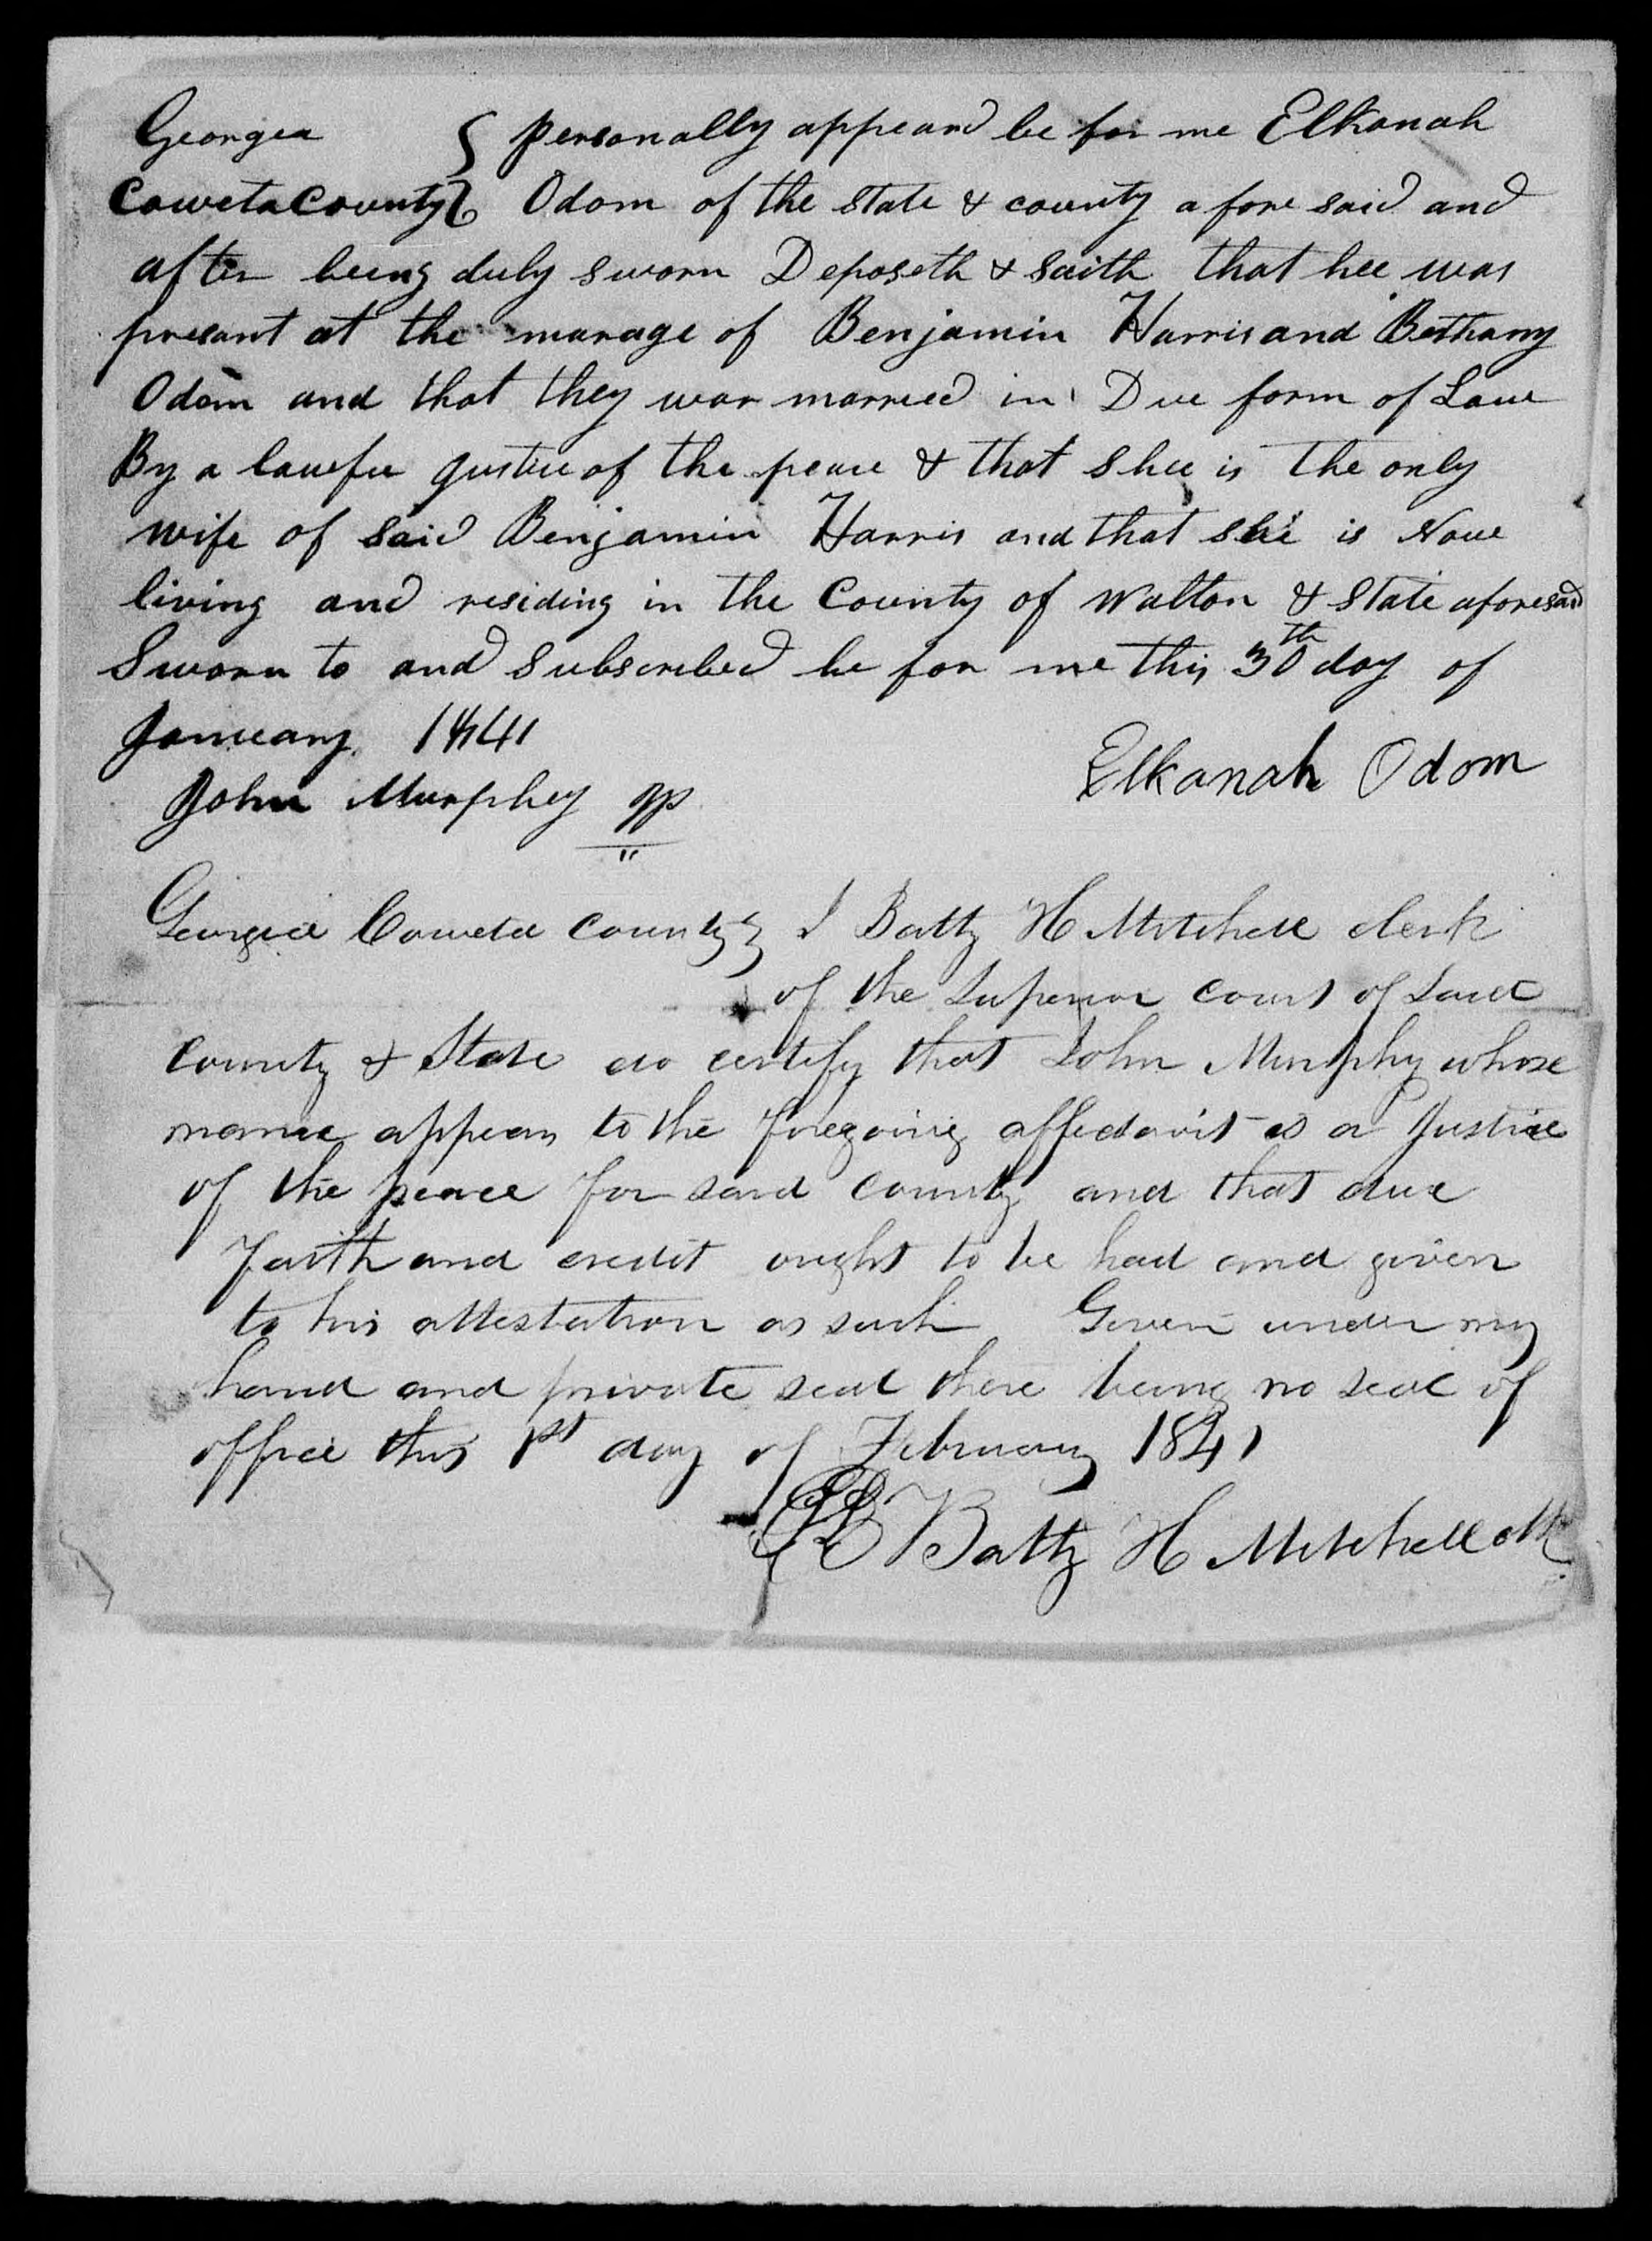GeorgiaElkanah Coweta County ⎬ personally appeared before me Elkanah Odom of the State & County aforesaid and after being duly sworn deposeth & saith that he was present at the marriage of Benjamin Harris and Bethany Odom and that they was married in Due form of Law By a lawful Justice of the peace & that she is the only wife of said Benjamin Harris and that she is now living and residing in the County of Walton & State aforesaid 

Sworn to and Subscribed before me this 13th day of January 1841 John Murphy
Elkanah Odom - 

Georgia Coweta County ⎬ I Batty H Mitchell Clerk of the Superior Court of said County & State do certify that John Murphy whose name appears to the foregoing affidavit is a Justice of the peace for said County and that due faith and credit ought to be had and given to his attestation as such. Given under my hand and private seal there being no seal of office this 1st day of February 1841 
Batty H Mitchell att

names: Benjamin Harris, Bethany Odom, Elkanah Odom, John Murphy, Batty H Mitchell, John Murphey, Batty H Mitchell, Elkanah Odom, Benjamin Harris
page: 41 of 62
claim: survivor's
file: S. 38816, Benjamin Harris, Mass.